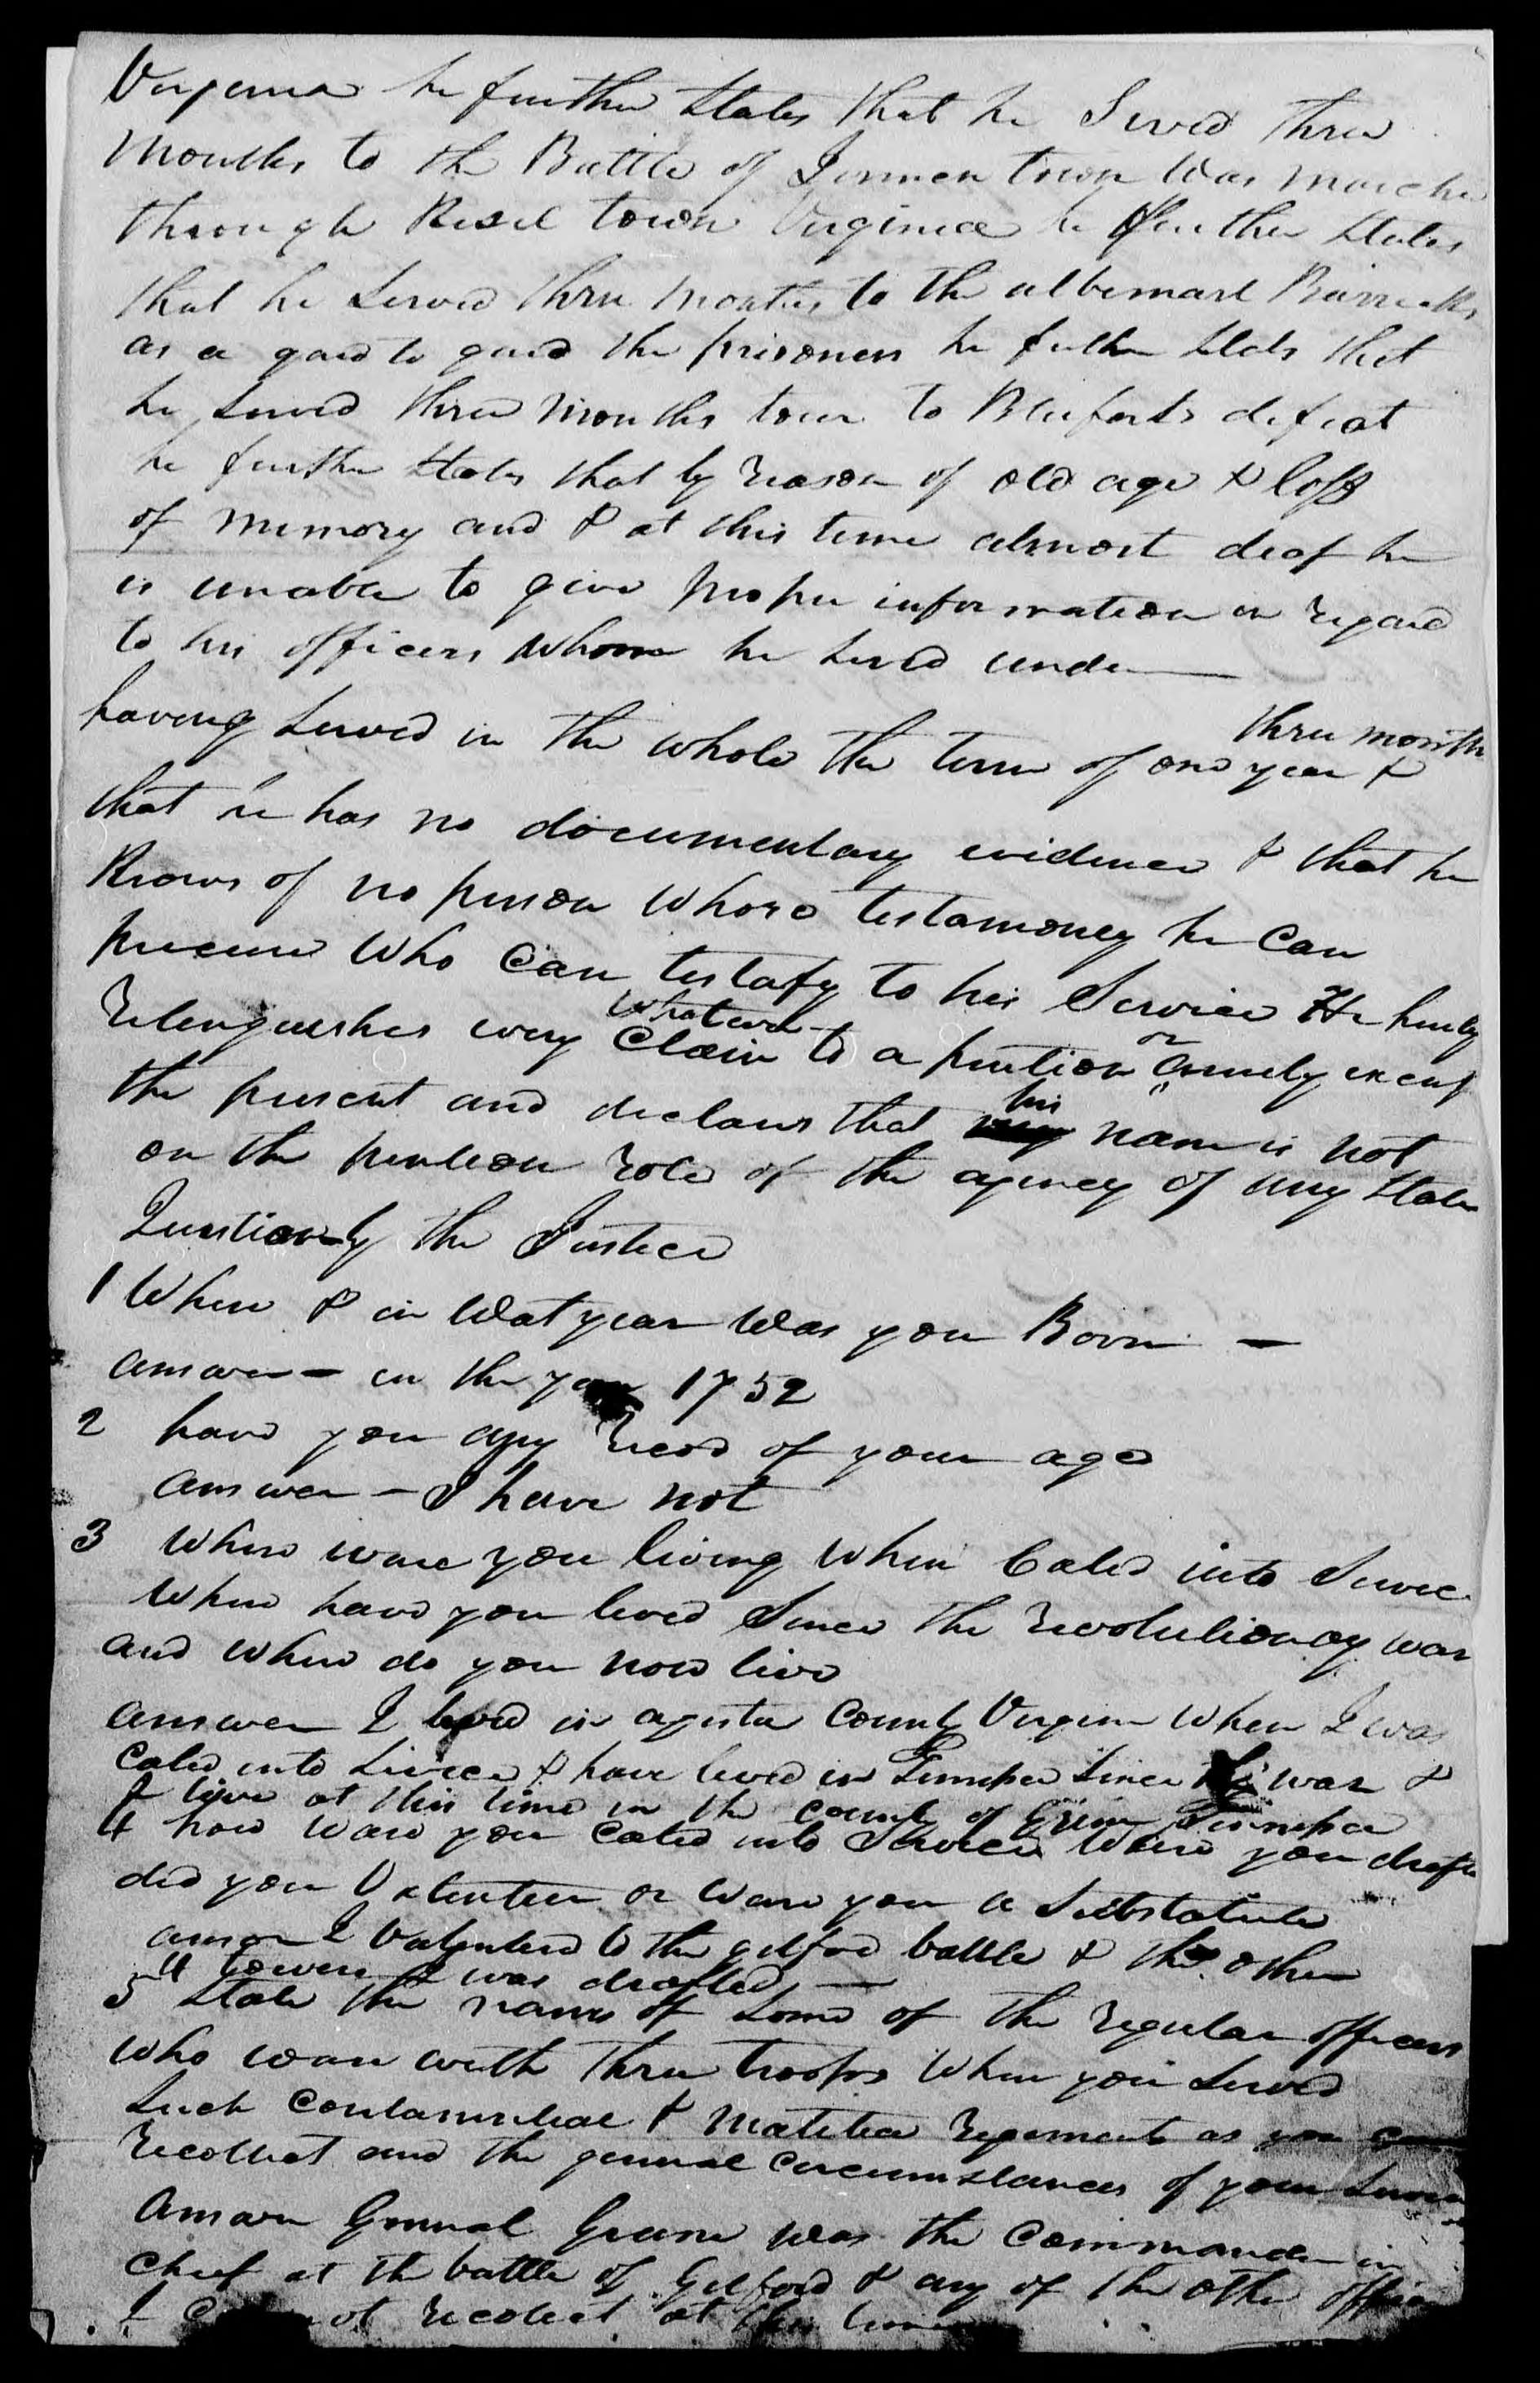Virginia he further states that he served three months to the Battle of German Town was marched through Resil Town Virginia he further states that he served three months to the Albemarl Barricks (sic) as a gard (sic) to gard (sic) the prisoner he futher (sic) states that he served three months tour to Blufords defeat he further states that by reason of old age & loss of memory and & at this time almost deaf he is unable to give proper information in regard to his officers who he served under having served in the whole the term of one year thru month & that he has no documentary evidence & that he knows of no person whose testamoney (sic) he can pricure (sic) who can testafy (sic) to his Service he humbly wishes every whatever claim to a pention (sic) or [illegible] except the percent and declares that his name is not on the pention (sic) role of the agency of any state 
Question by the Justice
1. When & in wat (sic) year was you born 
	answer – in the year 1752
2. Have you any rcod (sic) of your age
	answer – I have not
3. Where was you living when caled (sic) into Service. Where have you lived since the revolutionary war and where do you now live
	answer I lived in Agusta (sic) County Virginia when I was caled (sic) into service & have lived in Tennessee since was & I live at this time in the county Green Tennessee 
4. how ware (sic) you caled (sic) into service. Were you drafted? did you volunteer or were you a substitute
	answer I volunterd (sic) to the Gilford battle & the others 4 tours I was drafted
5. State the name of some of the regular officers who was with thru troops Where you served such continental & militia regiments as you can recollect and the general circumstances of your service
	answer General Greene was the commander in chief at the battle of Gilford & any of the other officer I cannot recollect (sic) at this time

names: Greene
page: 3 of 47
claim: survivor's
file: S. 3102, Frederick Burket, Va.